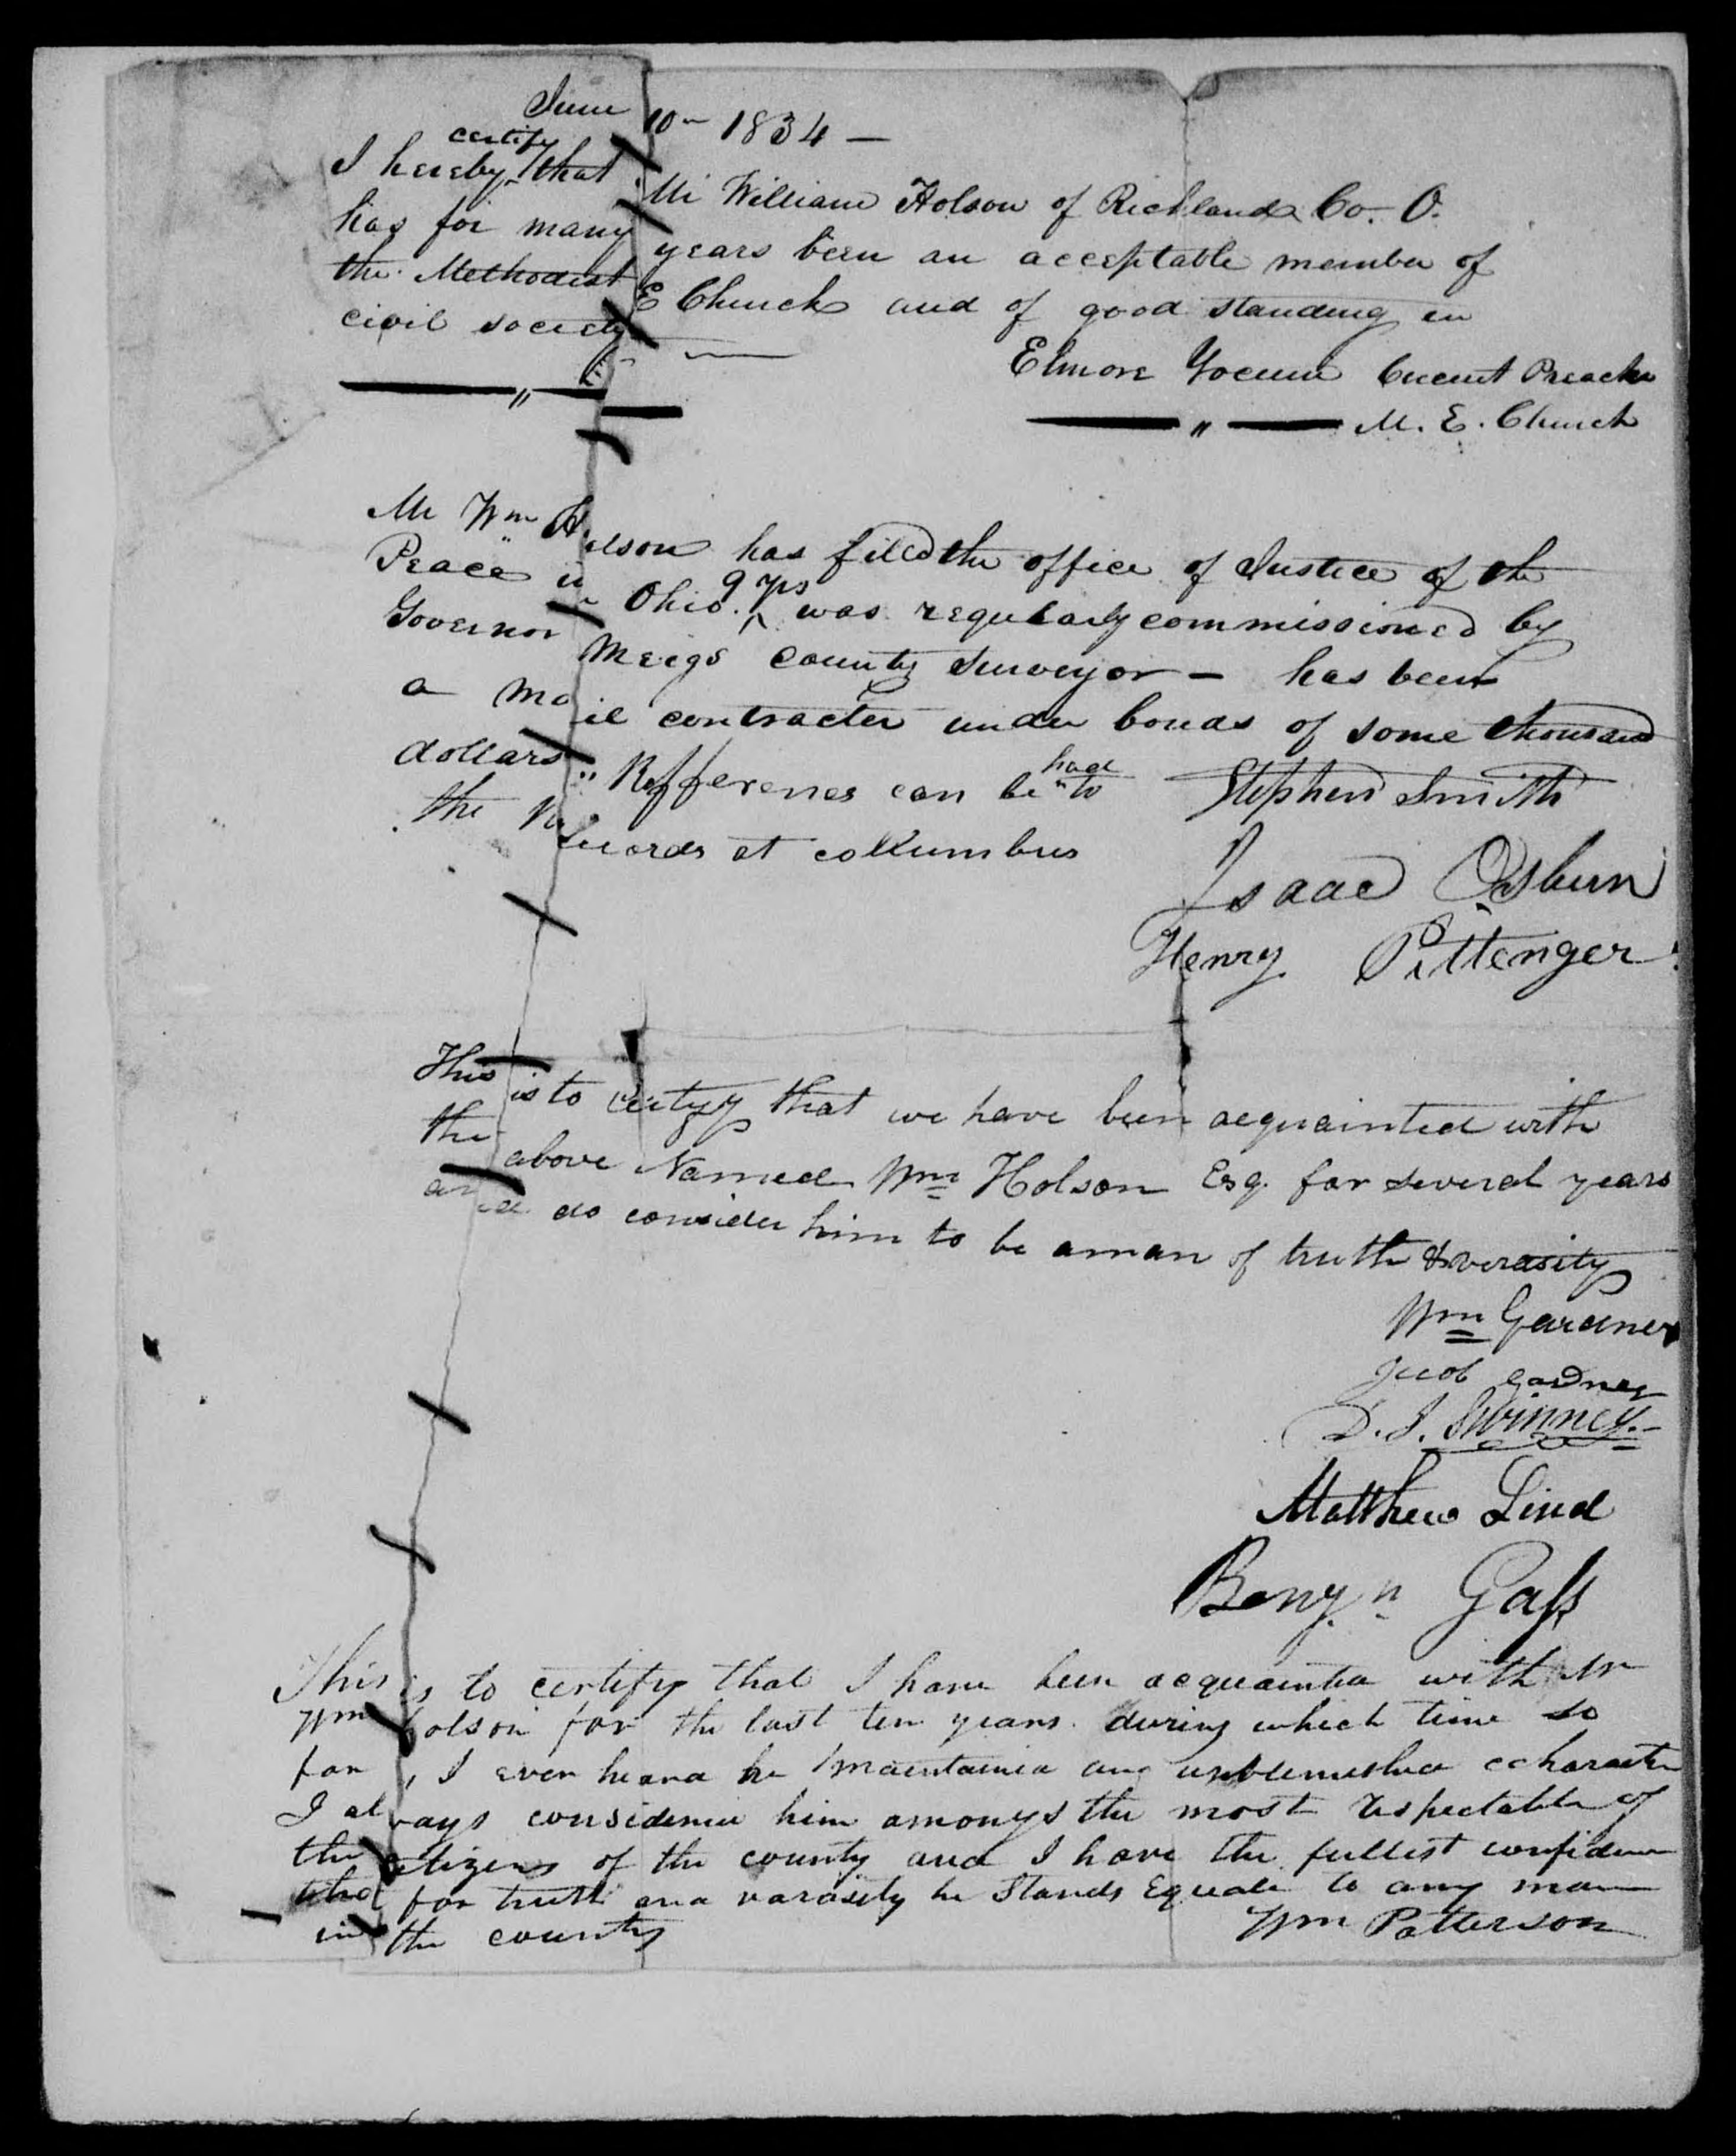June 10 - 1834-
I hereby certify that Mr William Holson of Richland Co. O. has for many years been an acceptable member of the Methodist Church and of good standing in civil society- Elmore Yocum Current Preacher
M. E. Church

Mr Wm. Holson has filled the office of Justice of the Peace in Ohio 9 years was regularly commissioned by Governor Meags County Surveyor - has been a mail contractor under bonus of some thousand dollars Refferences can be had to the Records at Columbus
Stephen Smith
Isaac Oskin
Henry Pittenger

This is to certify that we have been acquainted with the above named Wm Holson Esq for several years and do consider him to be a man of truth & veracity
Wm Gardiner
Jacob Gardner
D. J. Swinney
Matthew Lind
Benjn. Gass

This is to certify that I have been acquainted with Mr Wm Holson for the last ten years during which time so far, I ever heard he maintained an unblemished character I always considered him among the most respectable of the citizens of the country and I have the fullest confidence that for truth and veracity he stands equal to any man in the country
Wm Patterson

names: Isaac Osburn, Wm Patterson, Henry Pittenger, Benjn Gass, Wm Gardner, William Holson, Stephen Smith, Wm Holson, Jcob Gardner, D J Swinney, Wm Holson, Wm Holson, Elmon Yocum, Matthew Lind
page: 24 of 33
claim: survivor's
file: S. 9587, William Holson, Va.